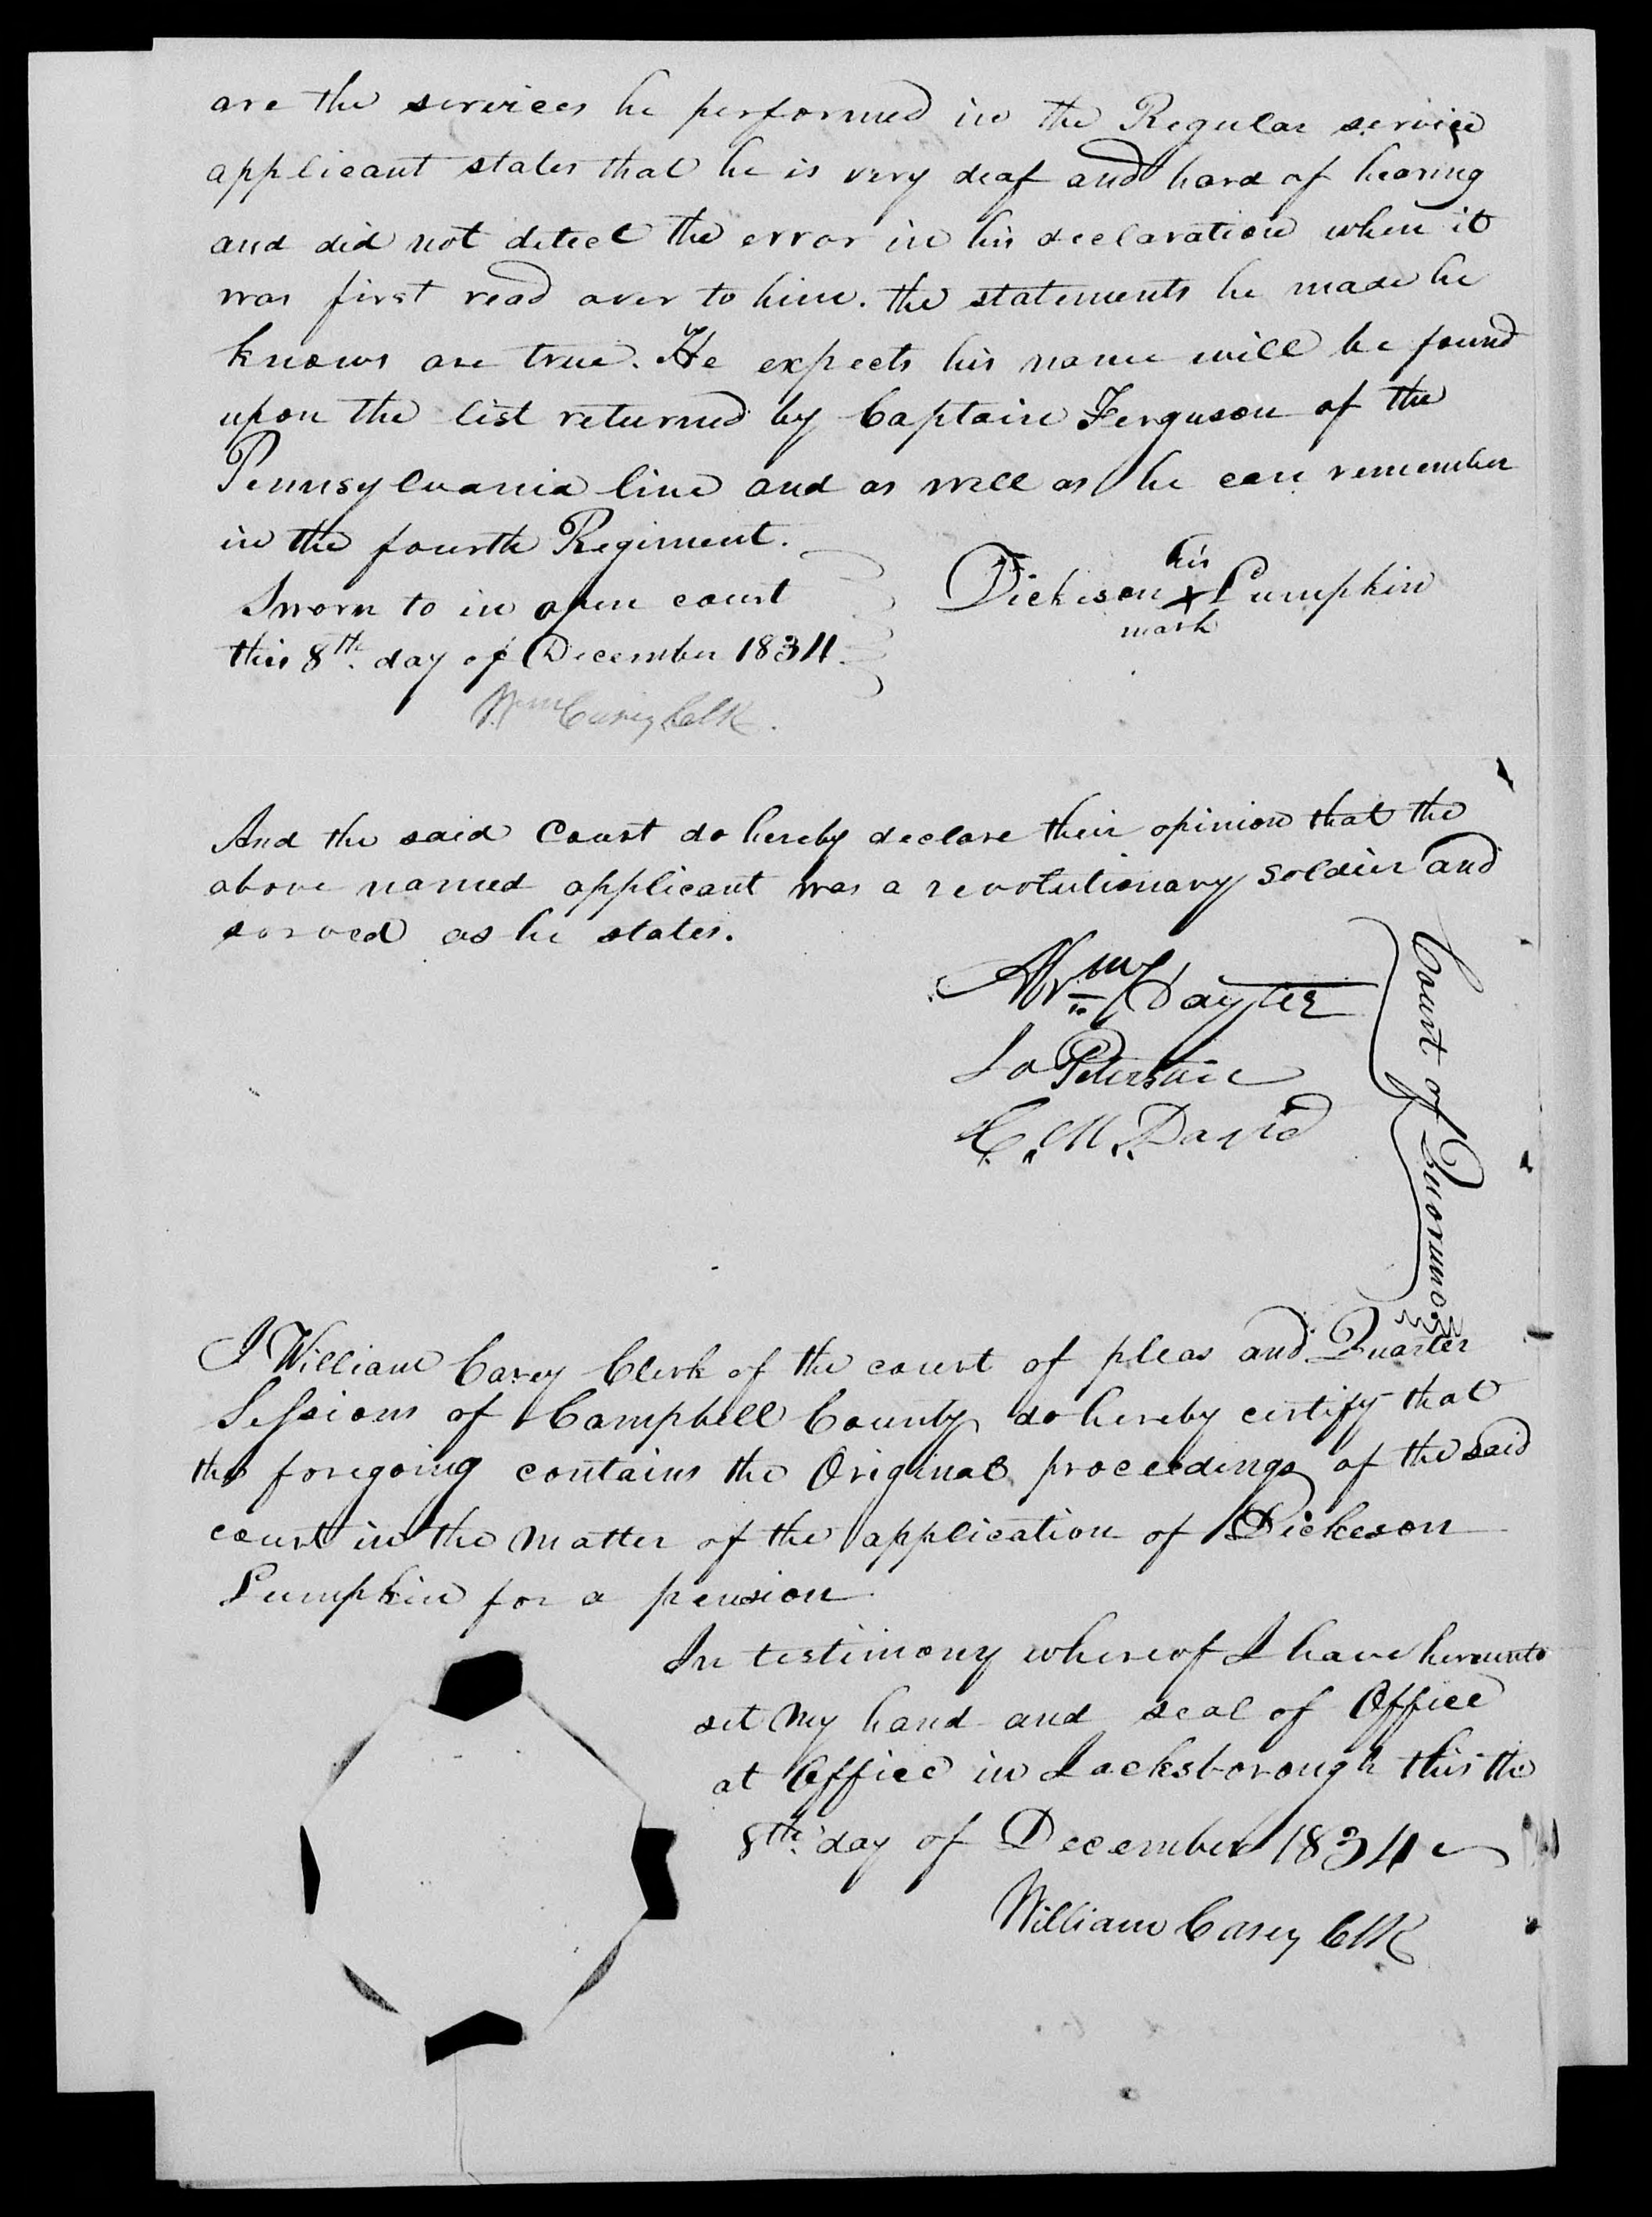(Handwritten document)

are the services he performed in the Regular service applicant states that he is very deaf and hard of hearing and did not detect the error in his declaration when it was first read over to him. the statements he made he
knows are true. He expects his name will be found upon the list returned by Captain Ferguson of the Pennsylvania line and as well as he can remember in the fourth Regiment.

Dickeson his X mark Lumpkin

Sworn to in open court this 8th day of December 1834}

Wm Carey Clk

And the said Court do hereby declare their opinion that the above named applicant was a revolutionary soldier and served as he states.

Abrm Hayter
Ja Peterson
C. M. David

(written vertically next to the three signatures) Court of Quorums

I William Carey Clerk of the court of pleas and Quarter Sessions of Campbell County do hereby certify that the foregoing contains the Original proceedings of the said court in the matter of the application of Dickeson Lumpkin for a pension.

In testimony whereof I have hereunto set my hand and seal of Office at Office in Jacksborough this the 8th day of December 1834

William Carey Clk

(Octagonal shape to the left, possible seal)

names: [BLANK] Ferguson; Abrm Hayter; C M David; Wm Carey; Dickison Lumpkin; Ja Peterson; William Carey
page: 9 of 37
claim: rejected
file: R. 6521, for Dickeson Lumpkin, Pennsylvania